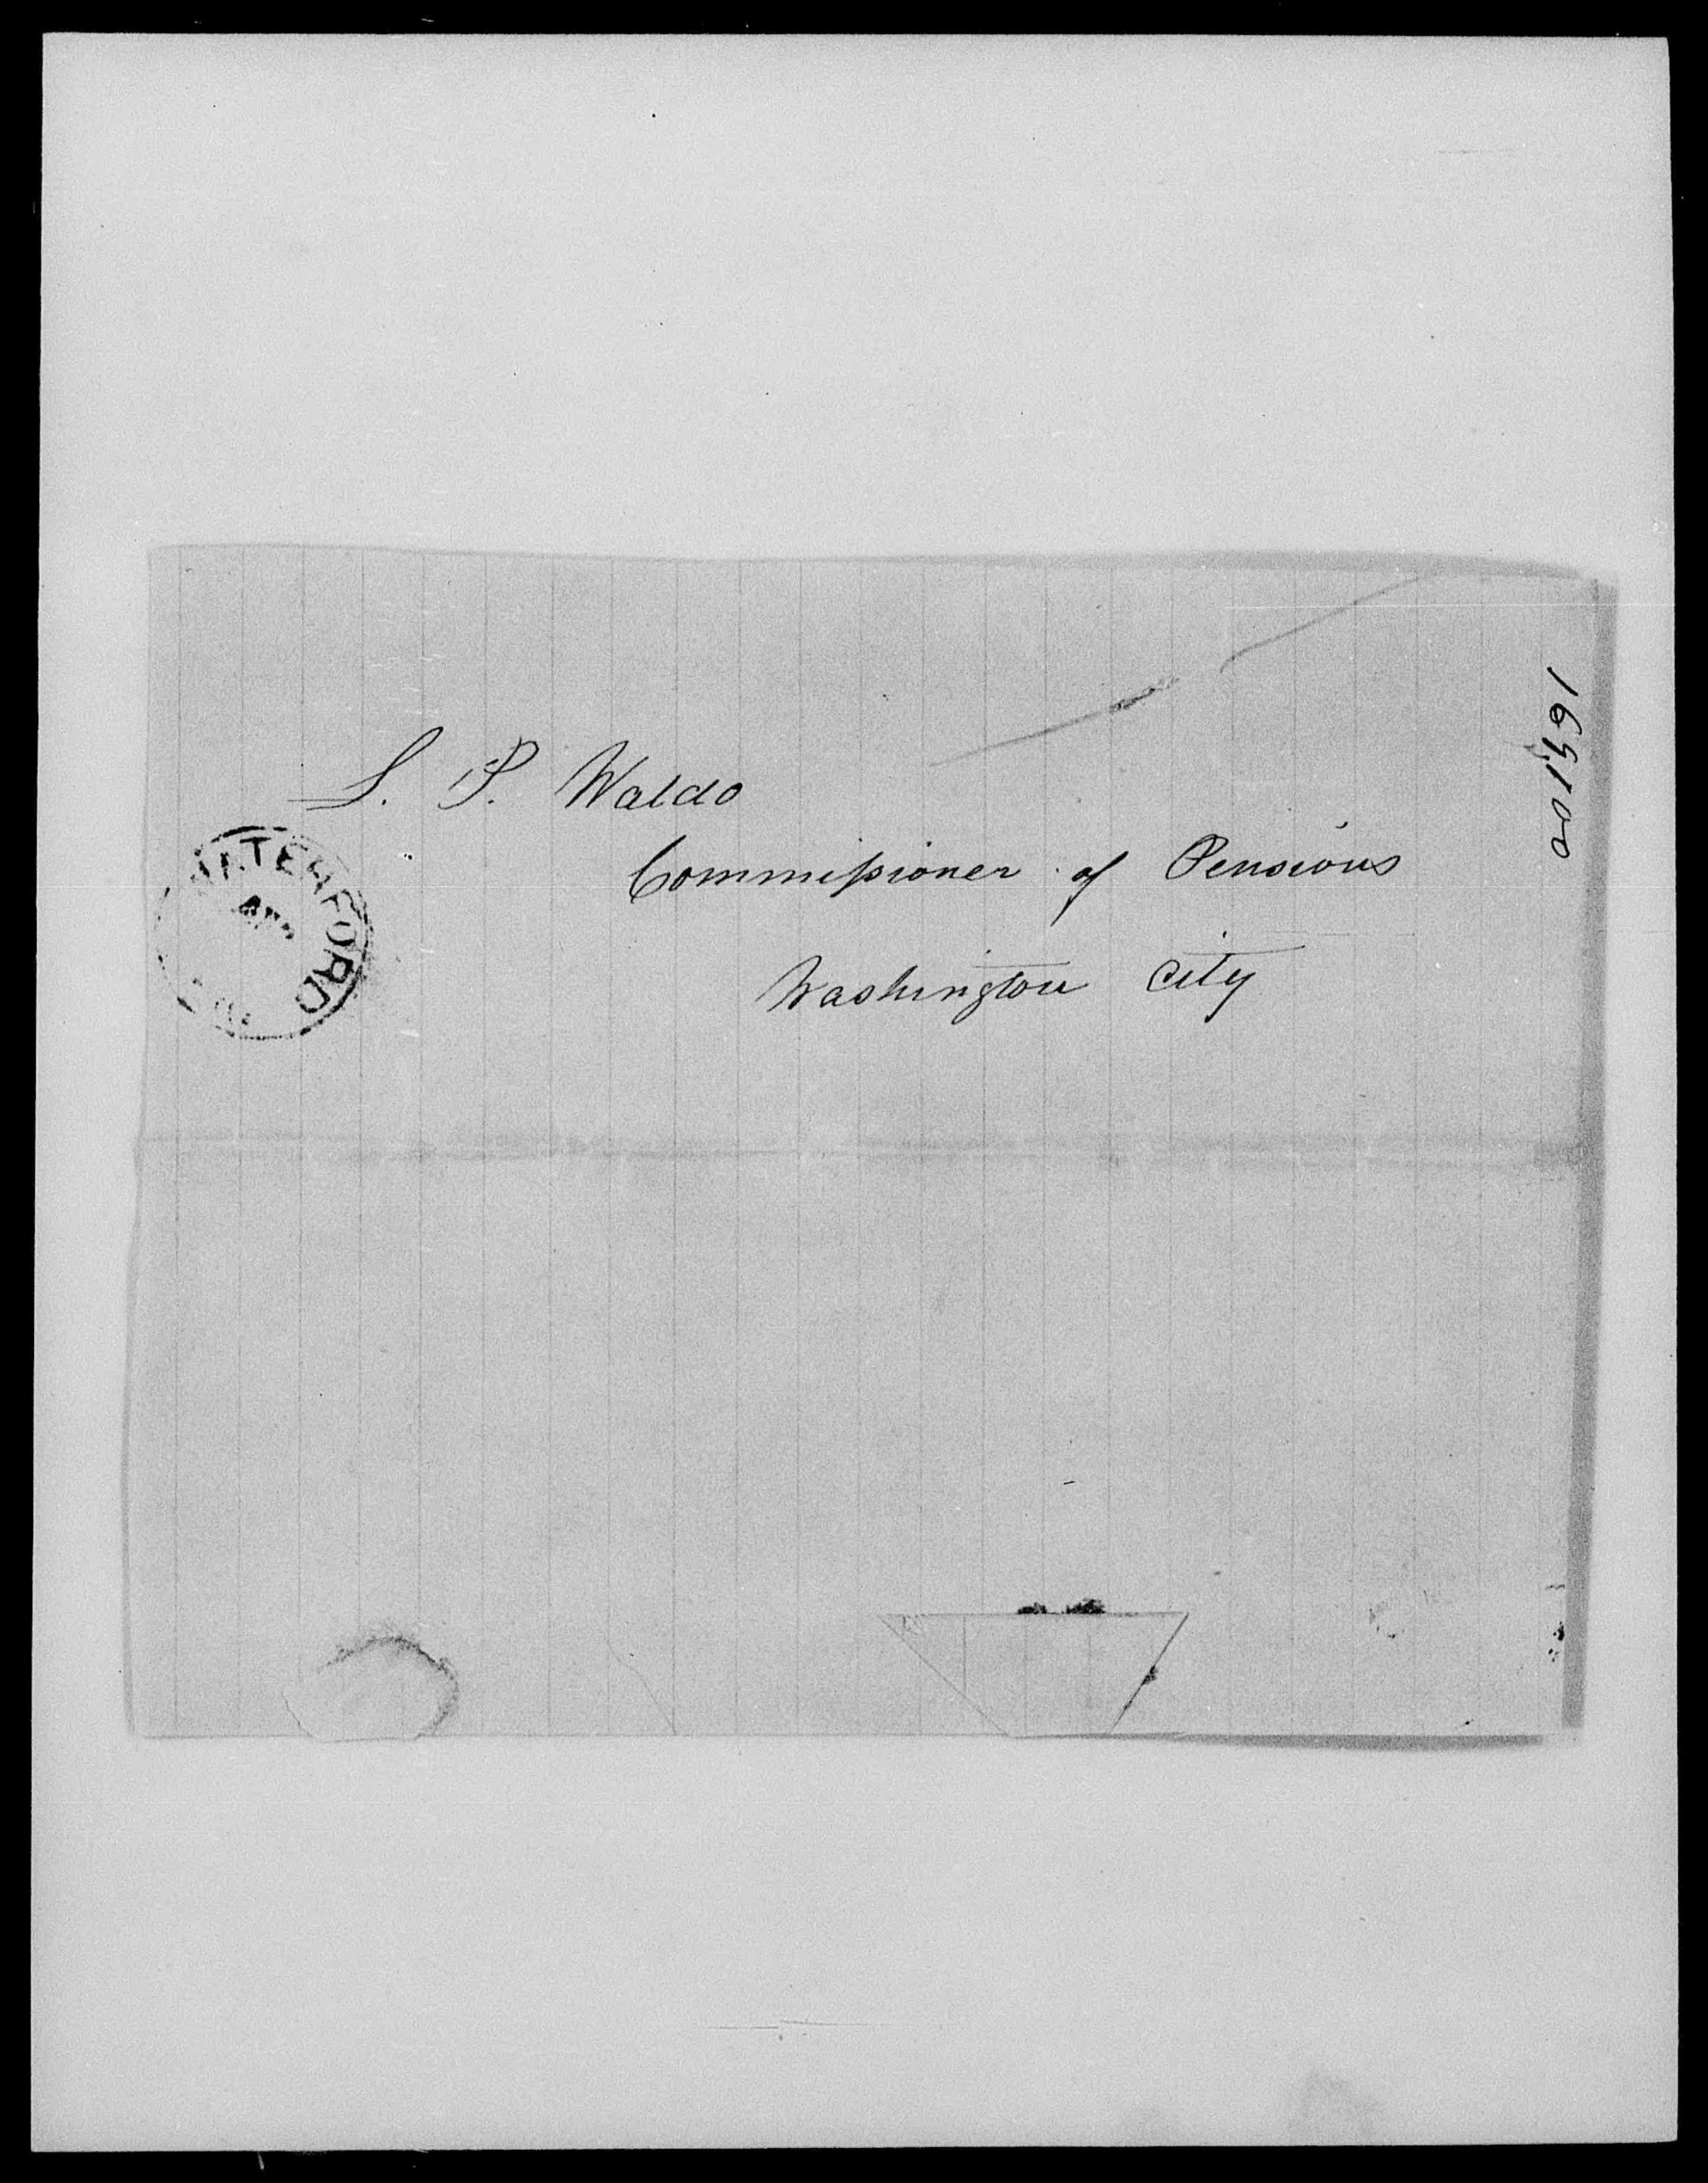169100

L P Waldo
Commissioner of Pensions
Washington City

Waterford Ohio STAMP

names: L P Waldo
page: 10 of 33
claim: rejected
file: R. 5814, for John Keever, Maryland